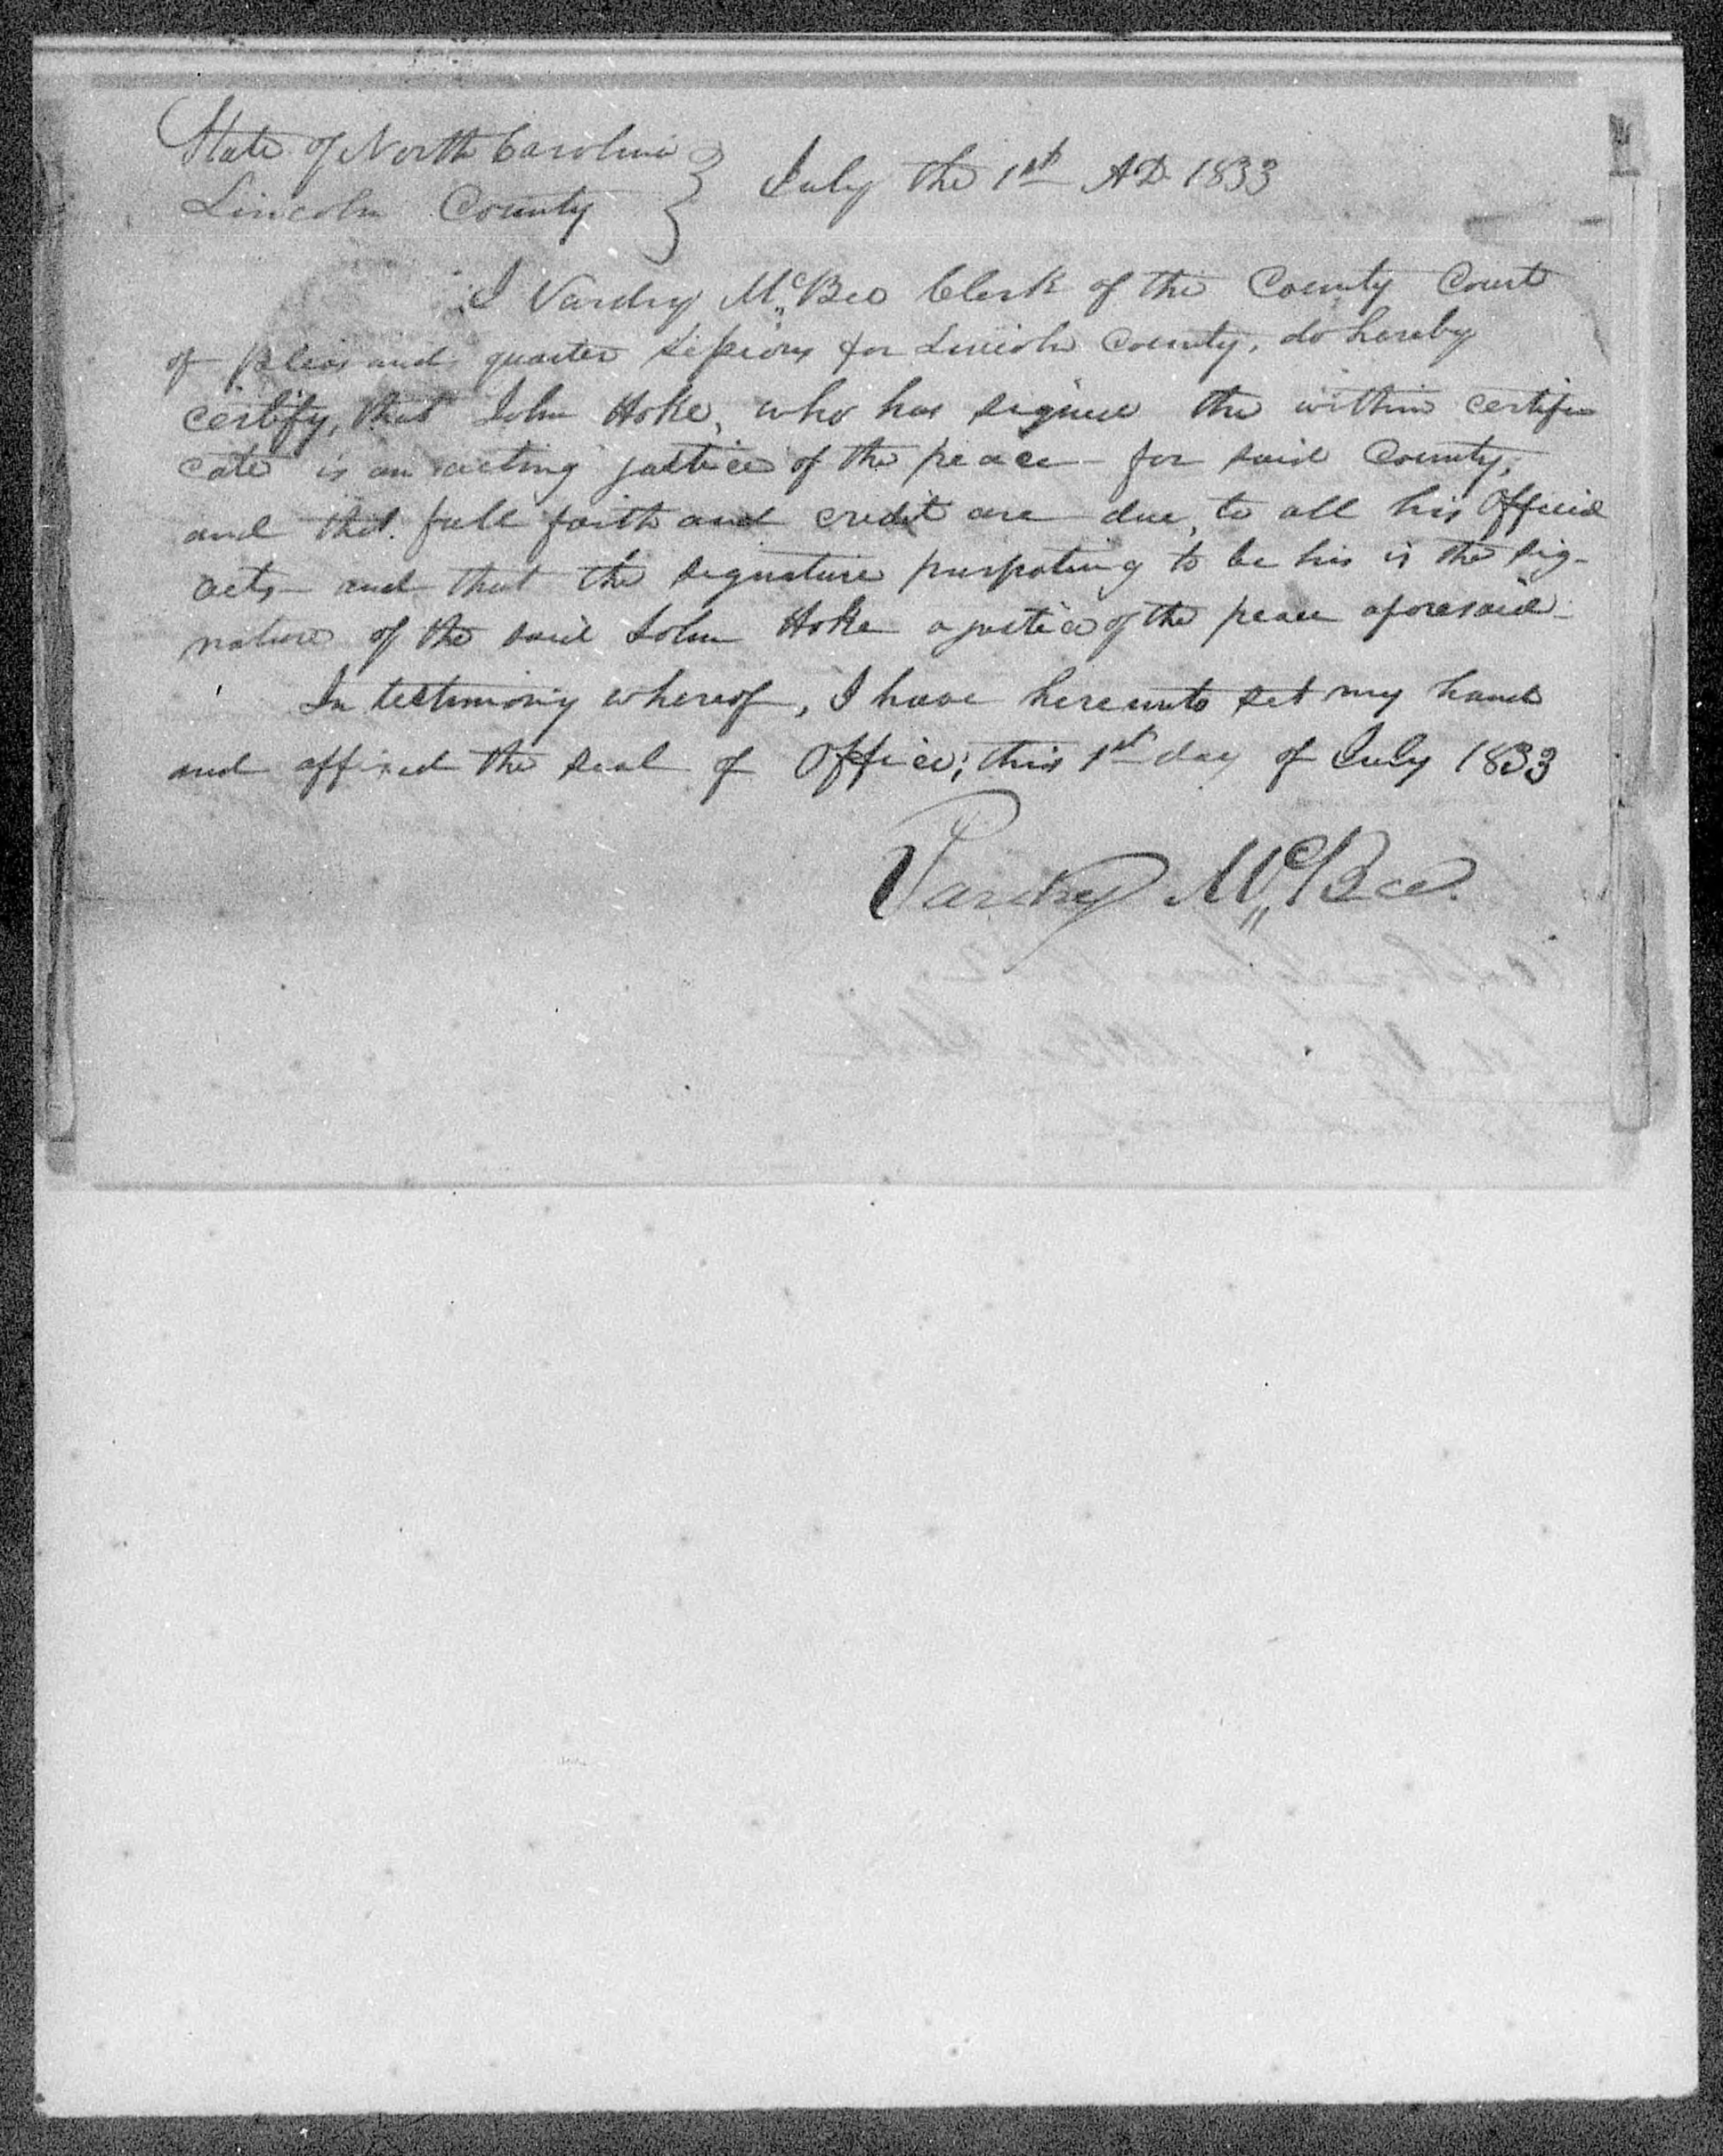July the 1st AD 1833
State of North Carolina
Lincoln County

I Vardy McBee Clerk of the County Court
of pleas and quarter sessions for Lincoln County, do hereby
certify that John Hoke, who has signed the within certifice
cate is an acting Justice of the peace for said County
and that full faith and credit are due to all his office
act, and that the signature purporting to be his is the signation
of the said John Hoke a justice of the peace aforesaid
In testimony whereof, I have hereunto set my hand
and affixed the seal of Office, this 1st day of July 1833
Vardy McBee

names: Vardry Mc Beo, John Hoke, John Hoke, Vardry Mc Bee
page: 8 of 16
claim: survivor's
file: S. 6,894, Robison Goodwin, N.C.